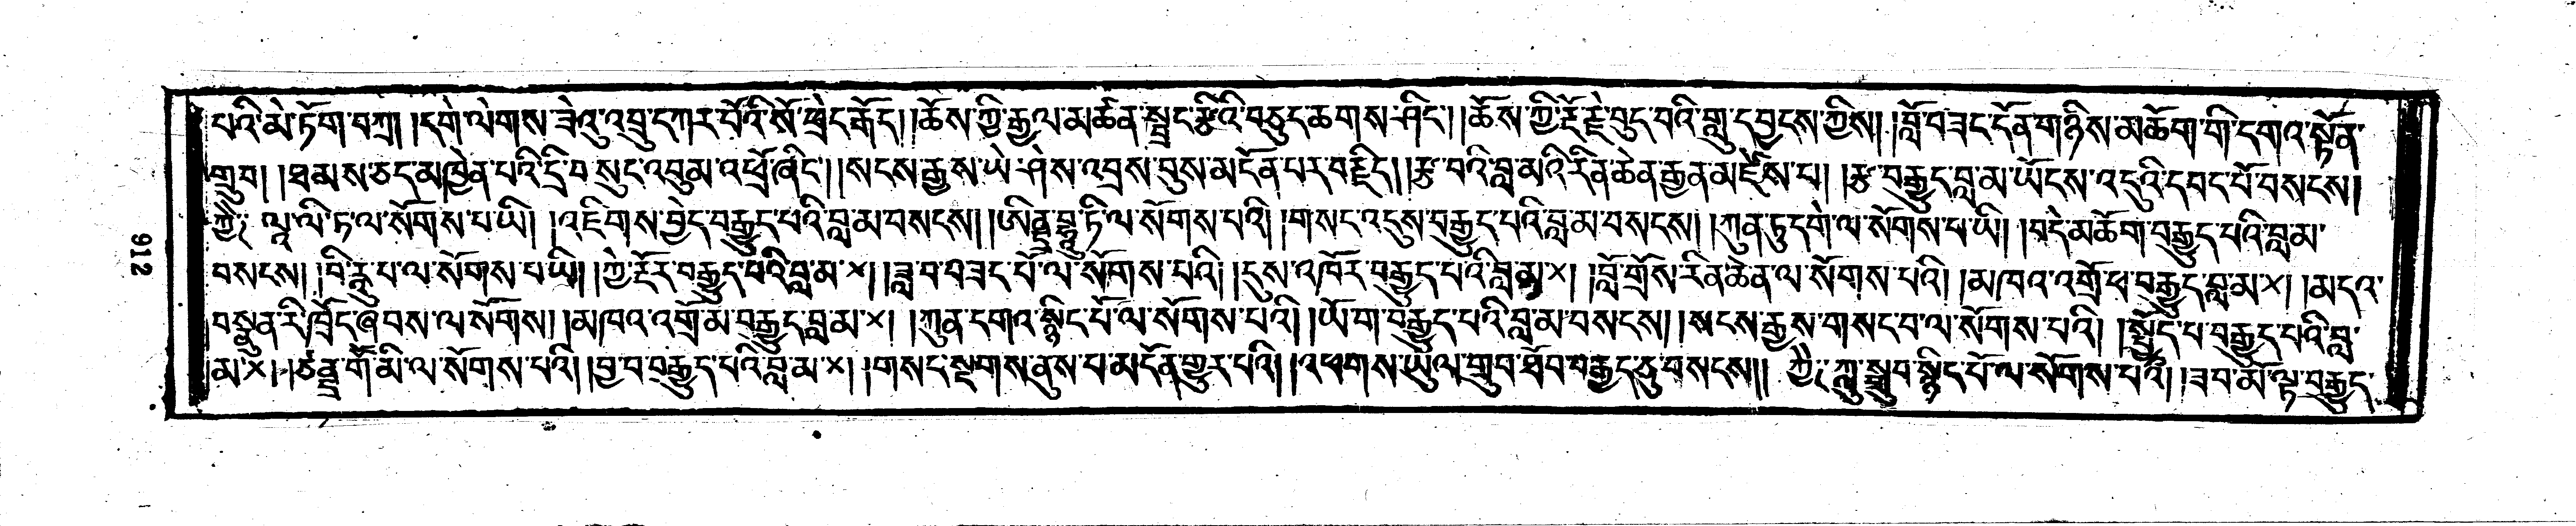པའི་མེ་ཏོག་བཀྲ། །དགེ་ལེགས་ཟེའུ་འབྲུ་དཀར་པོའི་སོ་ཕྲེང་རྒོད། །ཆོས་ཀྱི་རྒྱལ་མཚན་སྦྲང་རྩིའི་བཅུད་ཆགས་ཤིང་། །ཆོས་ཀྱི་རྡོ་རྗེ་བུང་བའི་གླུ་དབྱངས་ཀྱིས། །བློ་བཟང་དོན་གཉིས་མཆོག་གི་དགའ་སྟོན་
གྲུབ། །ཐམས་ཅད་མཁྱེན་པའི་དྲི་གསུང་འབུམ་འཕྲོ་ཞིང་། །སངས་རྒྱས་ཡེ་ཤེས་འབྲས་བུས་མངོན་པར་བརྗིད། །རྩ་བའི་བླ་མའི་རིན་ཆེན་རྒྱན་མཛེས་པ། །རྩ་བརྒྱུད་བླ་མ་ཡོངས་འདུའི་དབང་པོ་བསངས།།
ཀྱཻ། ལཱ་ལི་ཏ་ལ་སོགས་པ་ཡི། །འཇིགས་བྱེད་བརྒྱུད་པའི་བླ་མ་བསངས། །ཨིནྡྲ་བྷཱུ་ཏི་ལ་སོགས་པའི། །གསང་འདུས་བརྒྱུད་པའི་བླ་མ་བསངས། །ཀུན་ཏུ་དགེ་ལ་སོགས་པ་ཡི། །བདེ་མཆོག་བརྒྱུད་པའི་བླ་མ་
བསངས། །བི་རཱུ་པ་ལ་སོགས་པ་ཡི། །ཀྱེ་རྡོར་བརྒྱུད་པའི་བླ་མ་྾། །ཟླ་བ་བཟང་པོ་ལ་སོགས་པའི། །དུས་འཁོར་བརྒྱུད་པའི་བླ་མ་྾། །བློ་གྲོས་རིན་ཆེན་ལ་སོགས་པའི། །མཁའ་འགྲོ་ཕ་བརྒྱུད་བླ་མ་྾། །མདའ་
བསྣུན་རི་ཁྲོད་ཞབས་ལ་སོགས། །མཁའ་འགྲོ་མ་བརྒྱུད་བླ་མ་྾། །ཀུན་དགའ་སྙིང་པོ་ལ་སོགས་པའི། །ཡོ་ག་བརྒྱུད་པའི་བླ་མ་བསངས། །སངས་རྒྱས་གསང་བ་ལ་སོགས་པའི། །སྤྱོད་པ་བརྒྱུད་པའི་བླ་
མ་྾། །ཙནྡྲ་གཽ་མི་ལ་སོགས་པའི། །བྱ་བ་བརྒྱུད་པའི་བླ་མ་྾། །གསང་སྔགས་ནུས་པ་མངོན་གྱུར་པའི། །འཕགས་ཡུལ་གྲུབ་ཐོབ་བརྒྱད་ཅུ་བསངས། །ཀྱཻ། ཀླུ་སྒྲུབ་སྙིང་པོ་ལ་སོགས་པའི། །ཟབ་མོ་ལྟ་བརྒྱུད་